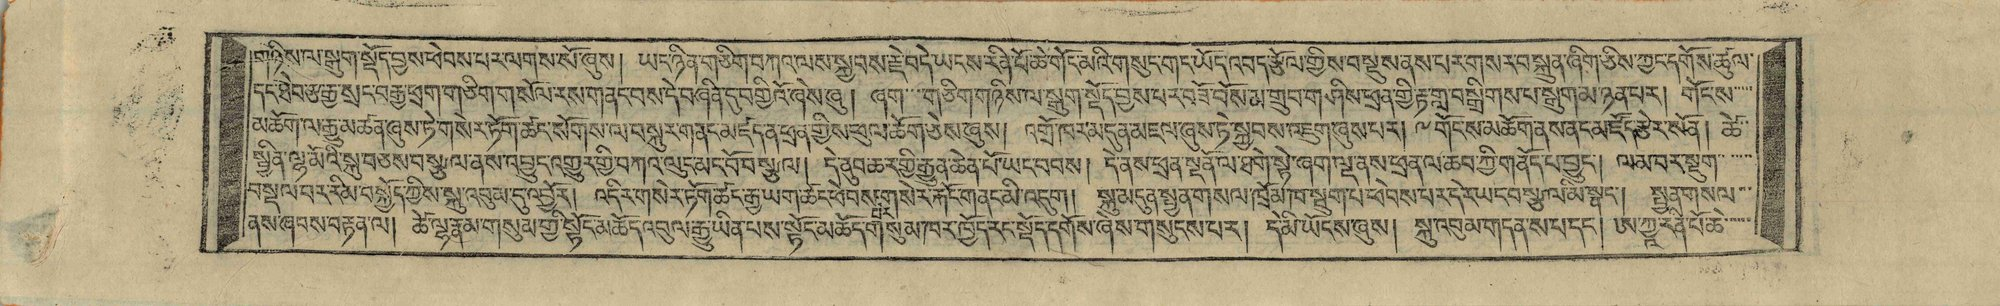གཉིས་ལ་སྒུག་སྡོད་བྱས་ཕེབས་པར་ལགས་སོ་ཞུས། ཡང་ཉིན་གཅིག་བཀའ་ལས་སྐྱབས་རྗེ་བདེ་ཡངས་རིན་པོ་ཆེ་གོང་མའི་གསུང་གང་ཡོད་འབད་རྩོལ་གྱིས་བསྡུས་ནས་པར་གསར་བསྐྲུན་ཞིག་ཅིས་ཀྱང་དགོས་ཚུལ་
དང་ཐེབ་རྩ་རྒྱ་སྲང་བརྒྱ་ཕྲག་གཅིག་གསོལ་རས་གནང་བས་དེ་བཞིན་དུ་བགྱིའོ་ཞེས་ཞུ། ཞག་གཅིག་གཉིས་ལ་སྒུག་སྡོད་བྱས་པར་བཟོ་བོས་མ་གྲུབ་གཤིས་ཕྲན་གྱི་རྟ་གླ་བསྒྲིགས་པ་སྒུག་མ་ཉན་པར། གོང་ས་
མཆོག་ལ་རྒྱུ་མཚན་ཞུས་ཏེ་གསེར་ཏོག་ཚང་སོགས་ལ་བསྐུར་གནང་མཛད་ན་ཕྲན་གྱིས་ཕུལ་ཆོག་ཅེས་ཞུས། འགྲོ་ཁར་མདུན་མཇལ་ཞུས་ཏེ་སྐྱབས་འཇུག་ཞུས་པར། ༧གོང་ས་མཆོག་ནས་ནང་མཛོད་རྩེར་སོན། ཚེ་
སྦྱིན་ལྷ་མོའི་སྐུ་བཅས་བསྩལ་ནས་འབྱུང་འགྱུར་གྱི་བཀའ་ལུང་མང་པོ་བསྩལ། དེ་ནུབ་ཆར་གྱི་རྒྱུན་ཆེན་པོ་ཡང་བབས། དེ་ནས་ཕྲན་སྔོན་ལ་ཐེག་སྟེ་ཞག་ལྔ་ནས་ཕྲན་ལ་ཆབ་ཀྱི་གནོད་པ་བྱུང་། ལམ་བར་སྡུག་
བསྔལ་བར་རིམ་བསྐྱོད་ཀྱིས་སྐུ་འབུམ་དུ་འབྱོར། འདིར་གསེར་ཏོག་ཚང་རྒྱ་ཡག་ཚང་ཕེབས་པར་གསེར་རྐོང་གནང་མི་འདུག །སྐུ་མདུན་སྤྱན་གསལ་ཁྲོམ་ཁ་སྦུག་པ་ཕེབས་པར་དེར་ཡང་བསྩལ་མི་སྣང་། སྤྱན་གསལ་
ནས་ཞབས་བརྟན་ལ། ཚེ་ལྷ་རྣམ་གསུམ་གྱི་སྟོང་མཆོད་འབུལ་རྒྱུ་ཡིན་པས་སྟོང་མཆོད་གསུམ་ཁར་ཁྱོད་རང་སྡོད་དགོས་ཞེས་གསུངས་པར། དེ་མི་ཡོངས་ཞུས། སྐུ་འབུམ་གདན་ས་པ་དང་། ཨ་ཀྱཱ་རིན་པོ་ཆེ་